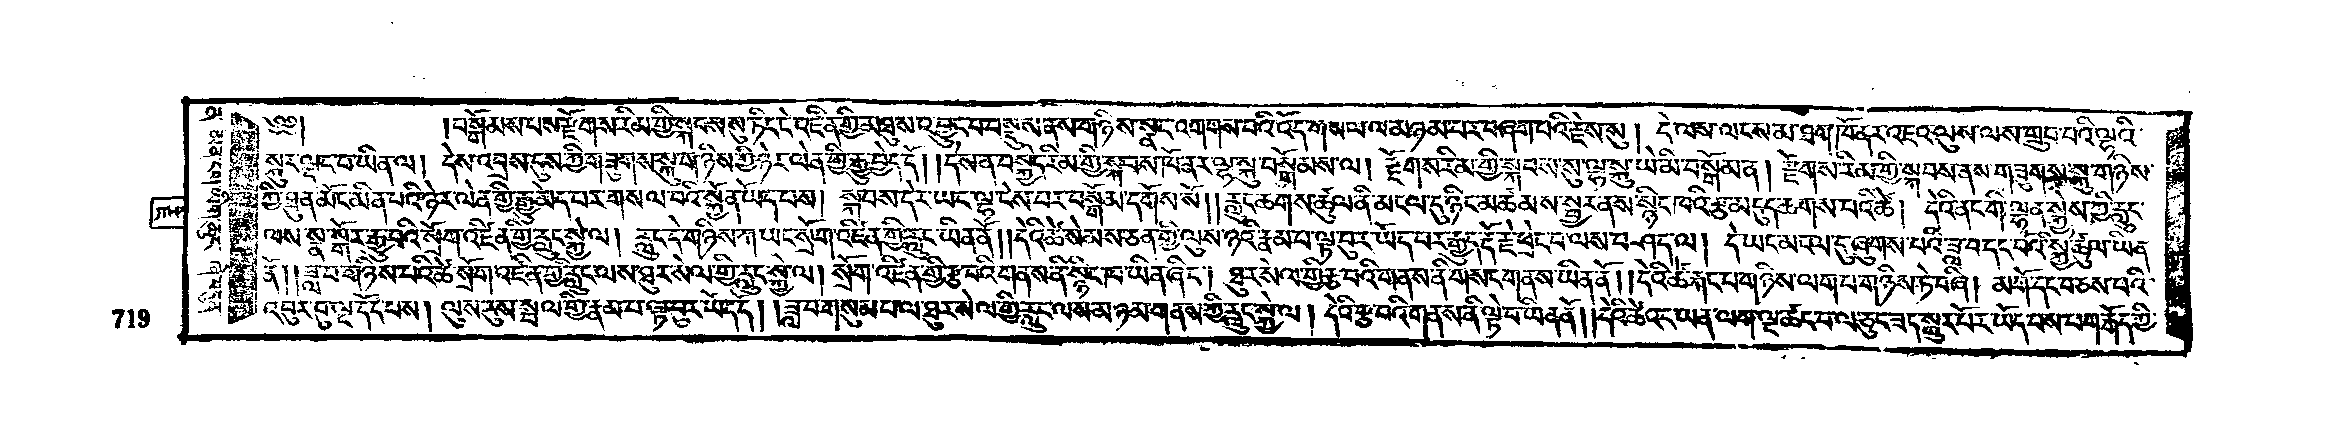༄༅། །བསྒོམས་པས་རྫོགས་རིམ་གྱི་སྐབས་སུ་ཏིང་ངེ་འཛིན་གྱི་མཐུས་འབྱུང་བ་བསྡུས་ནས་གཉིས་སྣང་འགགས་པའི་འོད་གསལ་ལ་མཉམ་པར་བཞག་པའི་རྗེས་སུ། དེ་ལས་ལངས་མ་ཐག་ཁོ་ནར་འཇའ་ལུས་ལས་གྲུབ་པའི་ལྷའི་
སྐུར་ལྡང་བ་ཡིན་ལ། དེས་འབྲས་དུས་ཀྱི་གཟུགས་སྐུ་གཉིས་ཀྱི་ཉེར་ལེན་གྱི་རྒྱུ་བྱེད་དོ། །དེས་ན་བསྐྱེད་རིམ་གྱི་སྐབས་ཁོ་ནར་ལྷ་སྐུ་བསྒོམས་ལ། རྫོགས་རིམ་གྱི་སྐབས་སུ་ལྷ་སྐུ་ཡེ་མི་བསྒོམ་ན། རྫོགས་རིམ་གྱི་སྐབས་ནས་གཟུགས་སྐུ་གཉིས་
ཀྱི་ཐུན་མོང་མིན་པའི་ཉེར་ལེན་གྱི་རྒྱུ་མེད་པར་གསལ་བའི་སྐྱོན་ཡོད་པས། སྐབས་དེར་ཡང་ལྷ་ངེས་པར་བསྒོམ་དགོས་སོ། །རླུང་ཆགས་ཚུལ་ནི་མངལ་དུ་ཉིང་མཚམས་སྦྱར་ནས་སྙིང་ཁའི་རྩ་མདུད་ཆགས་པའི་ཚེ། དེའི་ནང་གི་ལྷན་སྐྱེས་ཀྱི་རླུང་
ལས་སྣ་སྒོར་རྒྱུ་བའི་སྲོག་འཛིན་གྱི་རླུང་སྐྱེ་ལ། རླུང་དེ་གཉིས་ཀ་ཡང་སྲོག་འཛིན་གྱི་རླུང་ཡིན་ནོ། །དེའི་ཚེ་སེམས་ཅན་གྱི་ལུས་ཉའི་རྣམ་པ་ལྟ་བུར་ཡོད་པར་རྒྱུད་རྡོ་རྗེ་ཕྲེང་བ་ལས་བཤད་ལ། དེ་ཡང་མངལ་དུ་ཞུགས་པའི་ཟླ་བ་དང་པོའི་སྐྱེ་ཚུལ་ཡིན་
ནོ། །ཟླ་བ་གཉིས་པའི་ཚེ་སྲོག་འཛིན་གྱི་རླུང་ལས་ཐུར་སེལ་གྱི་རླུང་སྐྱེ་ལ། སྲོག་འཛིན་གྱི་རྩ་བའི་གནས་ནི་སྙིང་ཁ་ཡིན་ཞིང་། ཐུར་སེལ་གྱི་རྩ་བའི་གནས་ནི་གསང་གནས་ཡིན་ནོ། །དེའི་ཚེ་རྐང་པ་གཉིས་ལག་པ་གཉིས་ཏེ་བཞི། མགོ་དང་བཅས་པའི་
འབུར་བུ་ལྔ་དོད་པས། ལུས་རུས་སྦལ་གྱི་རྣམ་པ་ལྟ་བུར་ཡོད་དོ། །ཟླ་བ་གསུམ་པ་ལ་ཐུར་སེལ་གྱི་རླུང་ལས་མཉམ་གནས་ཀྱི་རླུང་སྐྱེ་ལ། དེའི་རྩ་བའི་གནས་ནི་ལྟེ་བ་ཡིན་ནོ། །དེའི་ཚེའང་ཡན་ལག་ལྔ་ཚང་བ་ལ་ཅུང་ཟད་སྦུར་པོར་ཡོད་པས་ཕག་རྒོད་ཀྱི་